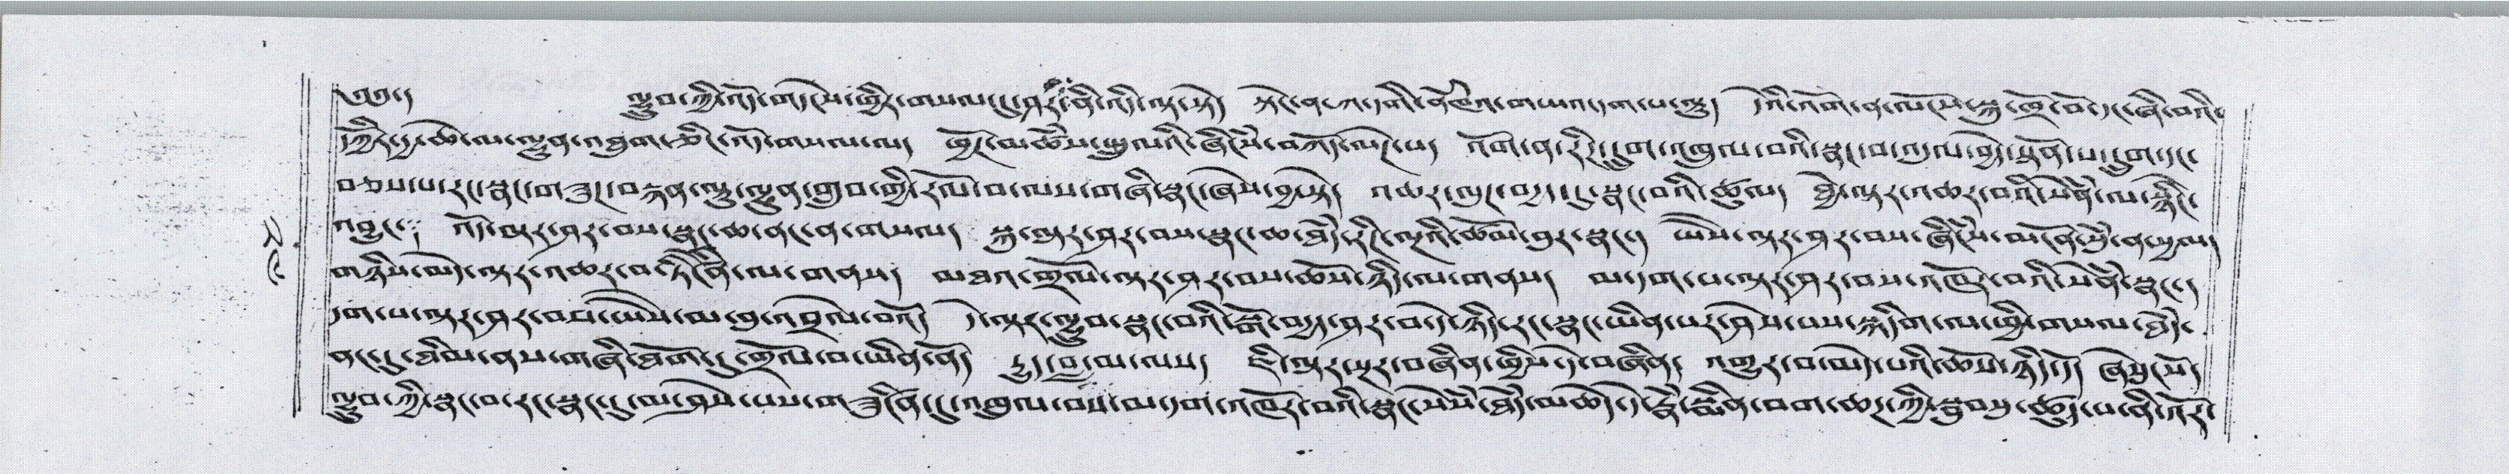ལྷུན་གྲུབ་ཀྱི་འོད་གདེངས་ཕྱིར་གསལ་དུ་ཤར་བ་ནི་འདི་ལྟ་སྟེ། སྟེང་ན་ཀ་དག་གི་ནམ་མཁའ་གཡའ་དག་པ་ལྟ་བུ། དེའི་འོག་ན་ལོངས་སྐུ་ཁྲོ་བོ་དང་ཞི་བའི་
དཀྱིལ་འཁོར་རྒྱ་ཆེ་ལ་ལྷུན་གྲུབ་འཐུག་ཅིང་འོད་གསལ་ལ། ཕྱོགས་མཚམས་སྤྲུལ་པའི་ཞིང་ཁམས་བཀོད་ལེགས་པ། འོག་ན་རིགས་དྲུག་འཁྲུལ་བའི་སྣང་བ་འདུལ་བྱེད་སྟོན་པ་དྲུག་དང་
བཅས་པ་རང་སྣང་གཟུགས་བརྙན་ལྟ་བུ་ལྷུན་གྲུབ་གྱི་རོལ་བ་ལས་གཞི་སྣང་ཞེས་བྱ་སྟེ། འཆར་ལུགས་བརྒྱད་དུ་སྣང་བའི་ཚུལ། ཐུགས་རྗེ་ལྟར་འཆར་བའི་སེམས་ཅན་ལ་སྙིང་
འབྱུང། འོད་ལྟར་ཤར་བས་སྣང་ཆ་ནང་ན་གསལ། སྐུ་ལྟར་ཤར་བས་སྣང་ཆ་ཐམས་ཅད་རིགས་ལྔའི་ཚོམ་བུར་སྣང། ཡེ་ཤེས་ལྟར་ཤར་བས་ཞིང་ཁམས་མངོན་སུམ་ན་གསལ། 
གཉིས་མེད་ལྟར་འཆར་བ་ཏིང་ངེ་འཛིན་ལ་གནས། མཐའ་གྲོལ་ལྟར་ཤར་བས་ཆོས་ཉིད་ལ་གནས། མ་དག་པ་ལྟར་ཤར་བས་འཁོར་བའི་སེམས་ཅན་སྣང། 
དག་པ་ལྟར་ཤར་བས་ཡེ་ཤེས་མ་བུ་འབྲེལ་བའོ། དེ་ལྟར་ལྷུན་གྲུབ་སྣང་བའི་སྒོ་བརྒྱད་ཤར་བ་དེ་ཉིད་རང་སྣང་ཡིན་པར་ཤེས་པས་སྐད་ཅིག་ལ་ཕྱི་གསལ་ཐམས་ཅད་
ནང་དུ་ཐིམ་ནས་གཞི་ཐོག་ཏུ་གྲོལ་བ་ཡིན་ནོ། རྒྱུད་བླ་མ་ལས། ཇི་ལྟར་སྔར་བཞིན་ཕྱིས་དེ་བཞིན། འགྱུར་བ་མེད་པའི་ཆོས་ཉིད་དོ། ཞེས་གསུངས་སོ། 
ལྷུན་གྲུབ་ཀྱི་སྣང་བ་རང་སྣང་དུ་མ་ཤེས་པས་གཟུང་འཛིན་དུ་འཁྲུལ་བས་མ་དག་འཁོར་བའི་སྣང་སེམས་ཐམས་ཅད་མཆེད་དེ་རྣམ་སྨིན་བག་ཆགས་ཀྱི་སྦུབས་སུ་ཚུད་པ་ནི་འཁོར་